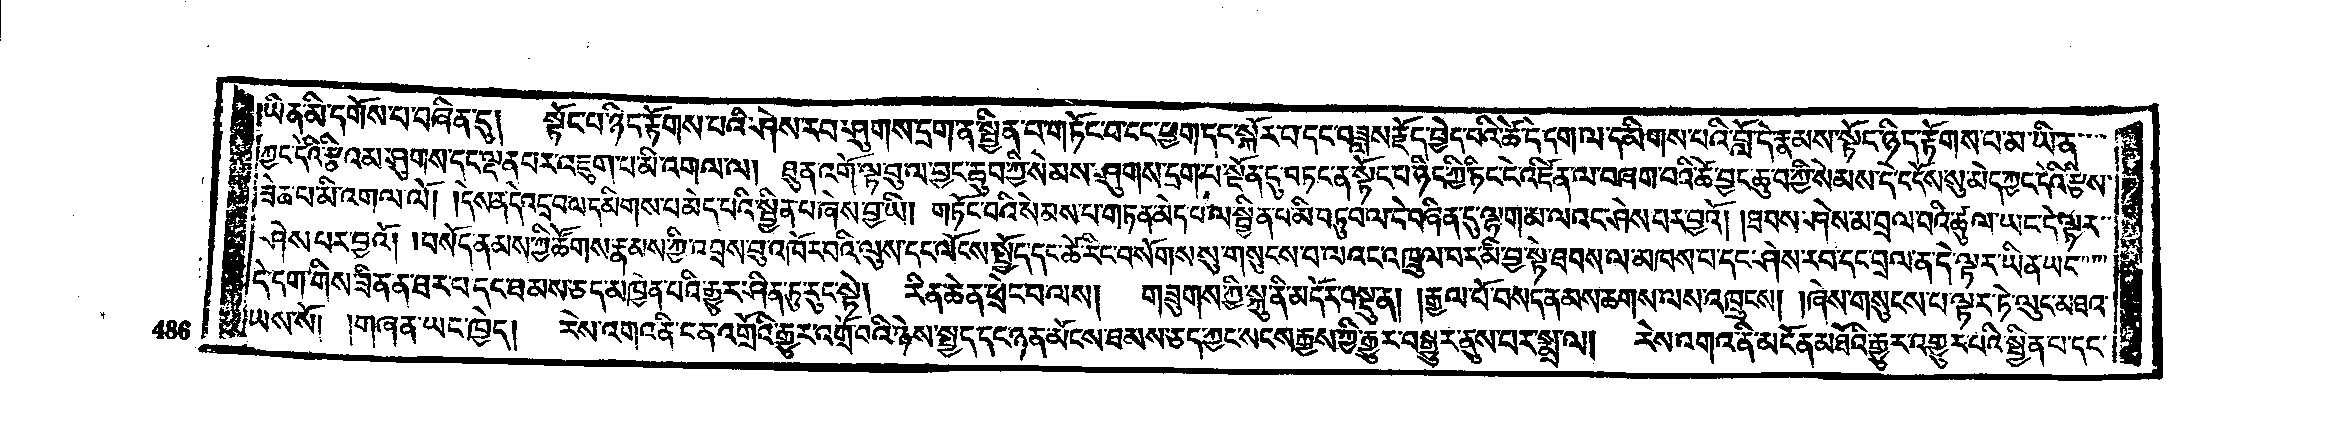ཡིན་མི་དགོས་པ་བཞིན་དུ། སྟོང་པ་ཉིད་རྟོགས་པའི་ཤེས་རབ་ཤུགས་དྲག་ན་སྦྱིན་པ་གཏོང་བ་དང་ཕྱག་དང་སྐོར་བ་དང་བཟླས་རྗོད་བྱེད་པའི་ཚེ་དེ་དག་ལ་དམིགས་པའི་བློ་དེ་རྣམས་སྟོང་ཉིད་རྟོགས་པ་མ་ཡིན་
ཀྱང་དེའི་རྩིའམ་ཤུགས་དང་ལྡན་པར་འཇུག་པ་མི་འགལ་ལ། ཐུན་འགོ་ལྟ་བུ་ལ་བྱང་ཆུབ་ཀྱི་སེམས་ཤུགས་དྲག་པ་སྔོན་དུ་བཏང་ན་སྟོང་པ་ཉིད་ཀྱི་ཏིང་ངེ་འཛིན་ལ་བཞག་པའི་ཚེ་བྱང་ཆུབ་ཀྱི་སེམས་དེ་དངོས་སུ་མེད་ཀྱང་དེའི་རྩིས་
ཟིན་པ་མི་འགལ་ལོ། །དེས་ན་དེ་འདྲ་བ་ལ་དམིགས་པ་མེད་པའི་སྦྱིན་པ་ཞེས་བྱ་ཡི། གཏོང་བའི་སེམས་པ་གཏན་མེད་པ་ལ་སྦྱིན་པ་མི་བཏུབ་ལ་དེ་བཞིན་དུ་ལྷག་མ་ལའང་ཤེས་པར་བྱའོ། །ཐབས་ཤེས་མ་བྲལ་བའི་ཚུལ་ཡང་དེ་ལྟར་
ཤེས་པར་བྱའོ། །བསོད་ནམས་ཀྱི་ཚོགས་རྣམས་ཀྱི་འབྲས་བུ་འཁོར་བའི་ལུས་དང་ལོངས་སྤྱོད་དང་ཚེ་རིང་བ་སོགས་སུ་གསུངས་པ་ལའང་འཁྲུལ་བར་མི་བྱ་སྟེ་ཐབས་ལ་མཁས་པ་དང་ཤེས་རབ་དང་བྲལ་ན་དེ་ལྟར་ཡིན་ཡང་
དེ་དག་གིས་ཟིན་ན་ཐར་པ་དང་ཐམས་ཅད་མཁྱེན་པའི་རྒྱུར་ཤིན་ཏུ་རུང་སྟེ། རིན་ཆེན་ཕྲེང་བ་ལས། གཟུགས་ཀྱི་སྐུ་ནི་མདོར་བསྡུ་ན། །རྒྱལ་པོ་བསོད་ནམས་ཚོགས་ལས་འཁྲུངས། །ཞེས་གསུངས་པ་ལྟར་ཏེ་ལུང་མཐའ་
ཡས་སོ། །གཞན་ཡང་ཁྱེད། རེས་འགའ་ནི་ངན་འགྲོའི་རྒྱུར་འགྲོ་བའི་ཉེས་སྤྱོད་དང་ཉོན་མོངས་ཐམས་ཅད་ཀྱང་སངས་རྒྱས་ཀྱི་རྒྱུར་བསྒྱུར་ནུས་པར་སྨྲ་ལ། རེས་འགའ་ནི་མངོན་མཐོའི་རྒྱུར་འགྱུར་བའི་སྦྱིན་པ་དང་